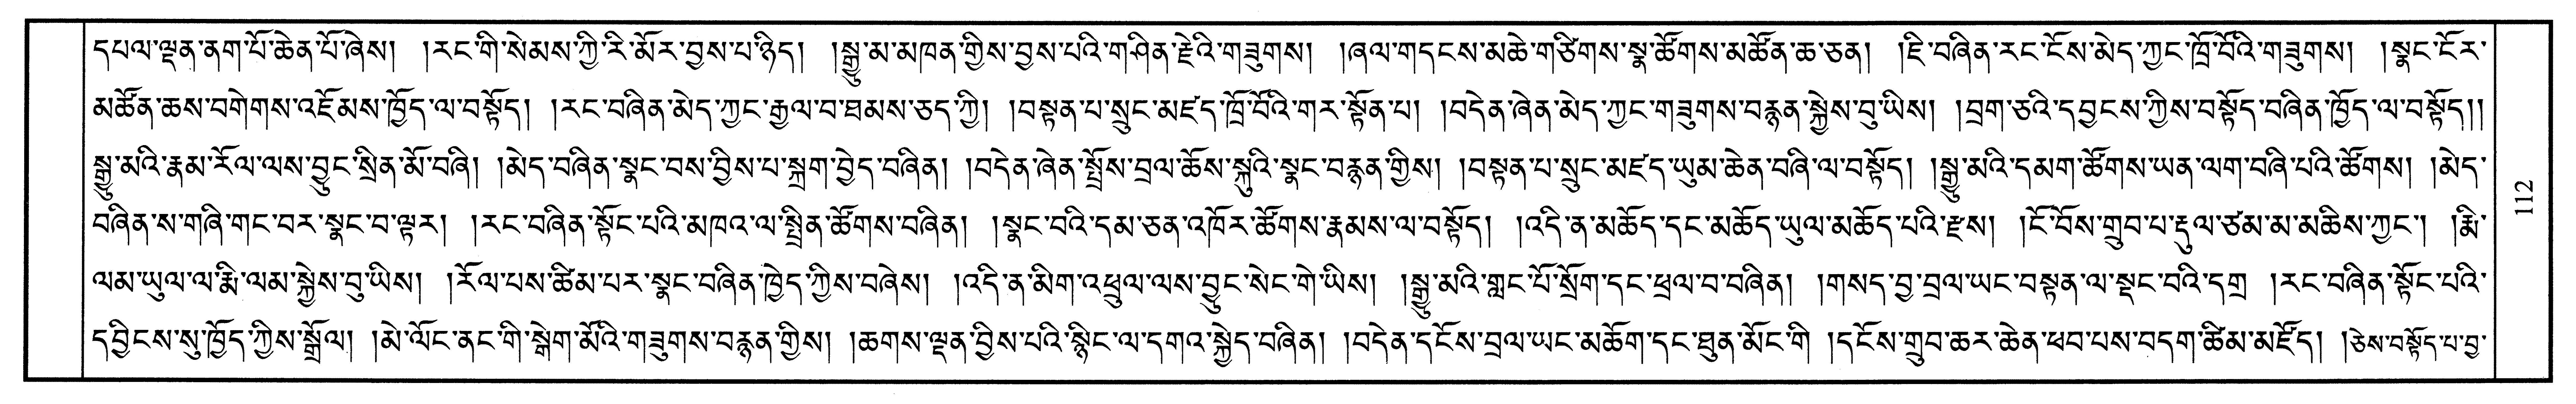དཔལ་ལྡན་ནག་པོ་ཆེན་པོ་ཞེས། །རང་གི་སེམས་ཀྱི་རི་མོར་བྱས་པ་ཉིད། །སྒྱུ་མ་མཁན་གྱིས་བྱས་པའི་གཤིན་རྗེའི་གཟུགས། །ཞལ་གདངས་མཆེ་གཙིགས་སྣ་ཚོགས་མཚོན་ཆ་ཅན། །ཇི་བཞིན་རང་ངོས་མེད་ཀྱང་ཁྲོ་བོའི་གཟུགས། །སྣང་ངོར་
མཚོན་ཆས་བགེགས་འཇོམས་ཁྱོད་ལ་བསྟོད། །རང་བཞིན་མེད་ཀྱང་རྒྱལ་བ་ཐམས་ཅད་ཀྱི། །བསྟན་པ་སྲུང་མཛད་ཁྲོ་བོའི་གར་སྟོན་པ། །བདེན་ཞེན་མེད་ཀྱང་གཟུགས་བརྙན་སྐྱེས་བུ་ཡིས། །བྲག་ཅའི་དབྱངས་ཀྱིས་བསྟོད་བཞིན་ཁྱོད་ལ་བསྟོད།།
སྒྱུ་མའི་རྣམ་རོལ་ལས་བྱུང་སྲིན་མོ་བཞི། །མེད་བཞིན་སྣང་བས་བྱིས་པ་སྐྲག་བྱེད་བཞིན། །བདེན་ཞེན་སྤྲོས་བྲལ་ཆོས་སྐུའི་སྣང་བརྙན་གྱིས། །བསྟན་པ་སྲུང་མཛད་ཡུམ་ཆེན་བཞི་ལ་བསྟོད། །སྒྱུ་མའི་དམག་ཚོགས་ཡན་ལག་བཞི་པའི་ཚོགས། །མེད་
བཞིན་ས་གཞི་གང་བར་སྣང་བ་ལྟར། །རང་བཞིན་སྟོང་པའི་མཁའ་ལ་སྤྲིན་ཚོགས་བཞིན། །སྣང་བའི་དམ་ཅན་འཁོར་ཚོགས་རྣམས་ལ་བསྟོད། །འདི་ན་མཆོད་དང་མཆོད་ཡུལ་མཆོད་པའི་རྫས། །ངོ་བོས་གྲུབ་པ་རྡུལ་ཙམ་མ་མཆིས་ཀྱང་། །རྨི་
ལམ་ཡུལ་ལ་རྨི་ལམ་སྐྱེས་བུ་ཡིས། །རོལ་པས་ཚིམ་པར་སྣང་བཞིན་ཁྱེད་ཀྱིས་བཞེས། །འདི་ན་མིག་འཕྲུལ་ལས་བྱུང་སེང་གེ་ཡིས། །སྒྱུ་མའི་གླང་པོ་སྲོག་དང་ཕྲལ་བ་བཞིན། །གསད་བྱ་བྲལ་ཡང་བསྟན་ལ་སྡང་བའི་དགྲ་།རང་བཞིན་སྟོང་པའི་
དབྱིངས་སུ་ཁྱོད་ཀྱིས་སྒྲོལ། །མེ་ལོང་ནང་གི་སྒེག་མོའི་གཟུགས་བརྙན་གྱིས། །ཆགས་ལྡན་བྱིས་པའི་སྙིང་ལ་དགའ་སྐྱེད་བཞིན། །བདེན་དངོས་བྲལ་ཡང་མཆོག་དང་ཐུན་མོང་གི །དངོས་གྲུབ་ཆར་ཆེན་ཕབ་པས་བདག་ཚིམ་མཛོད། །ཅེས་བསྟོད་པ་བྱ་